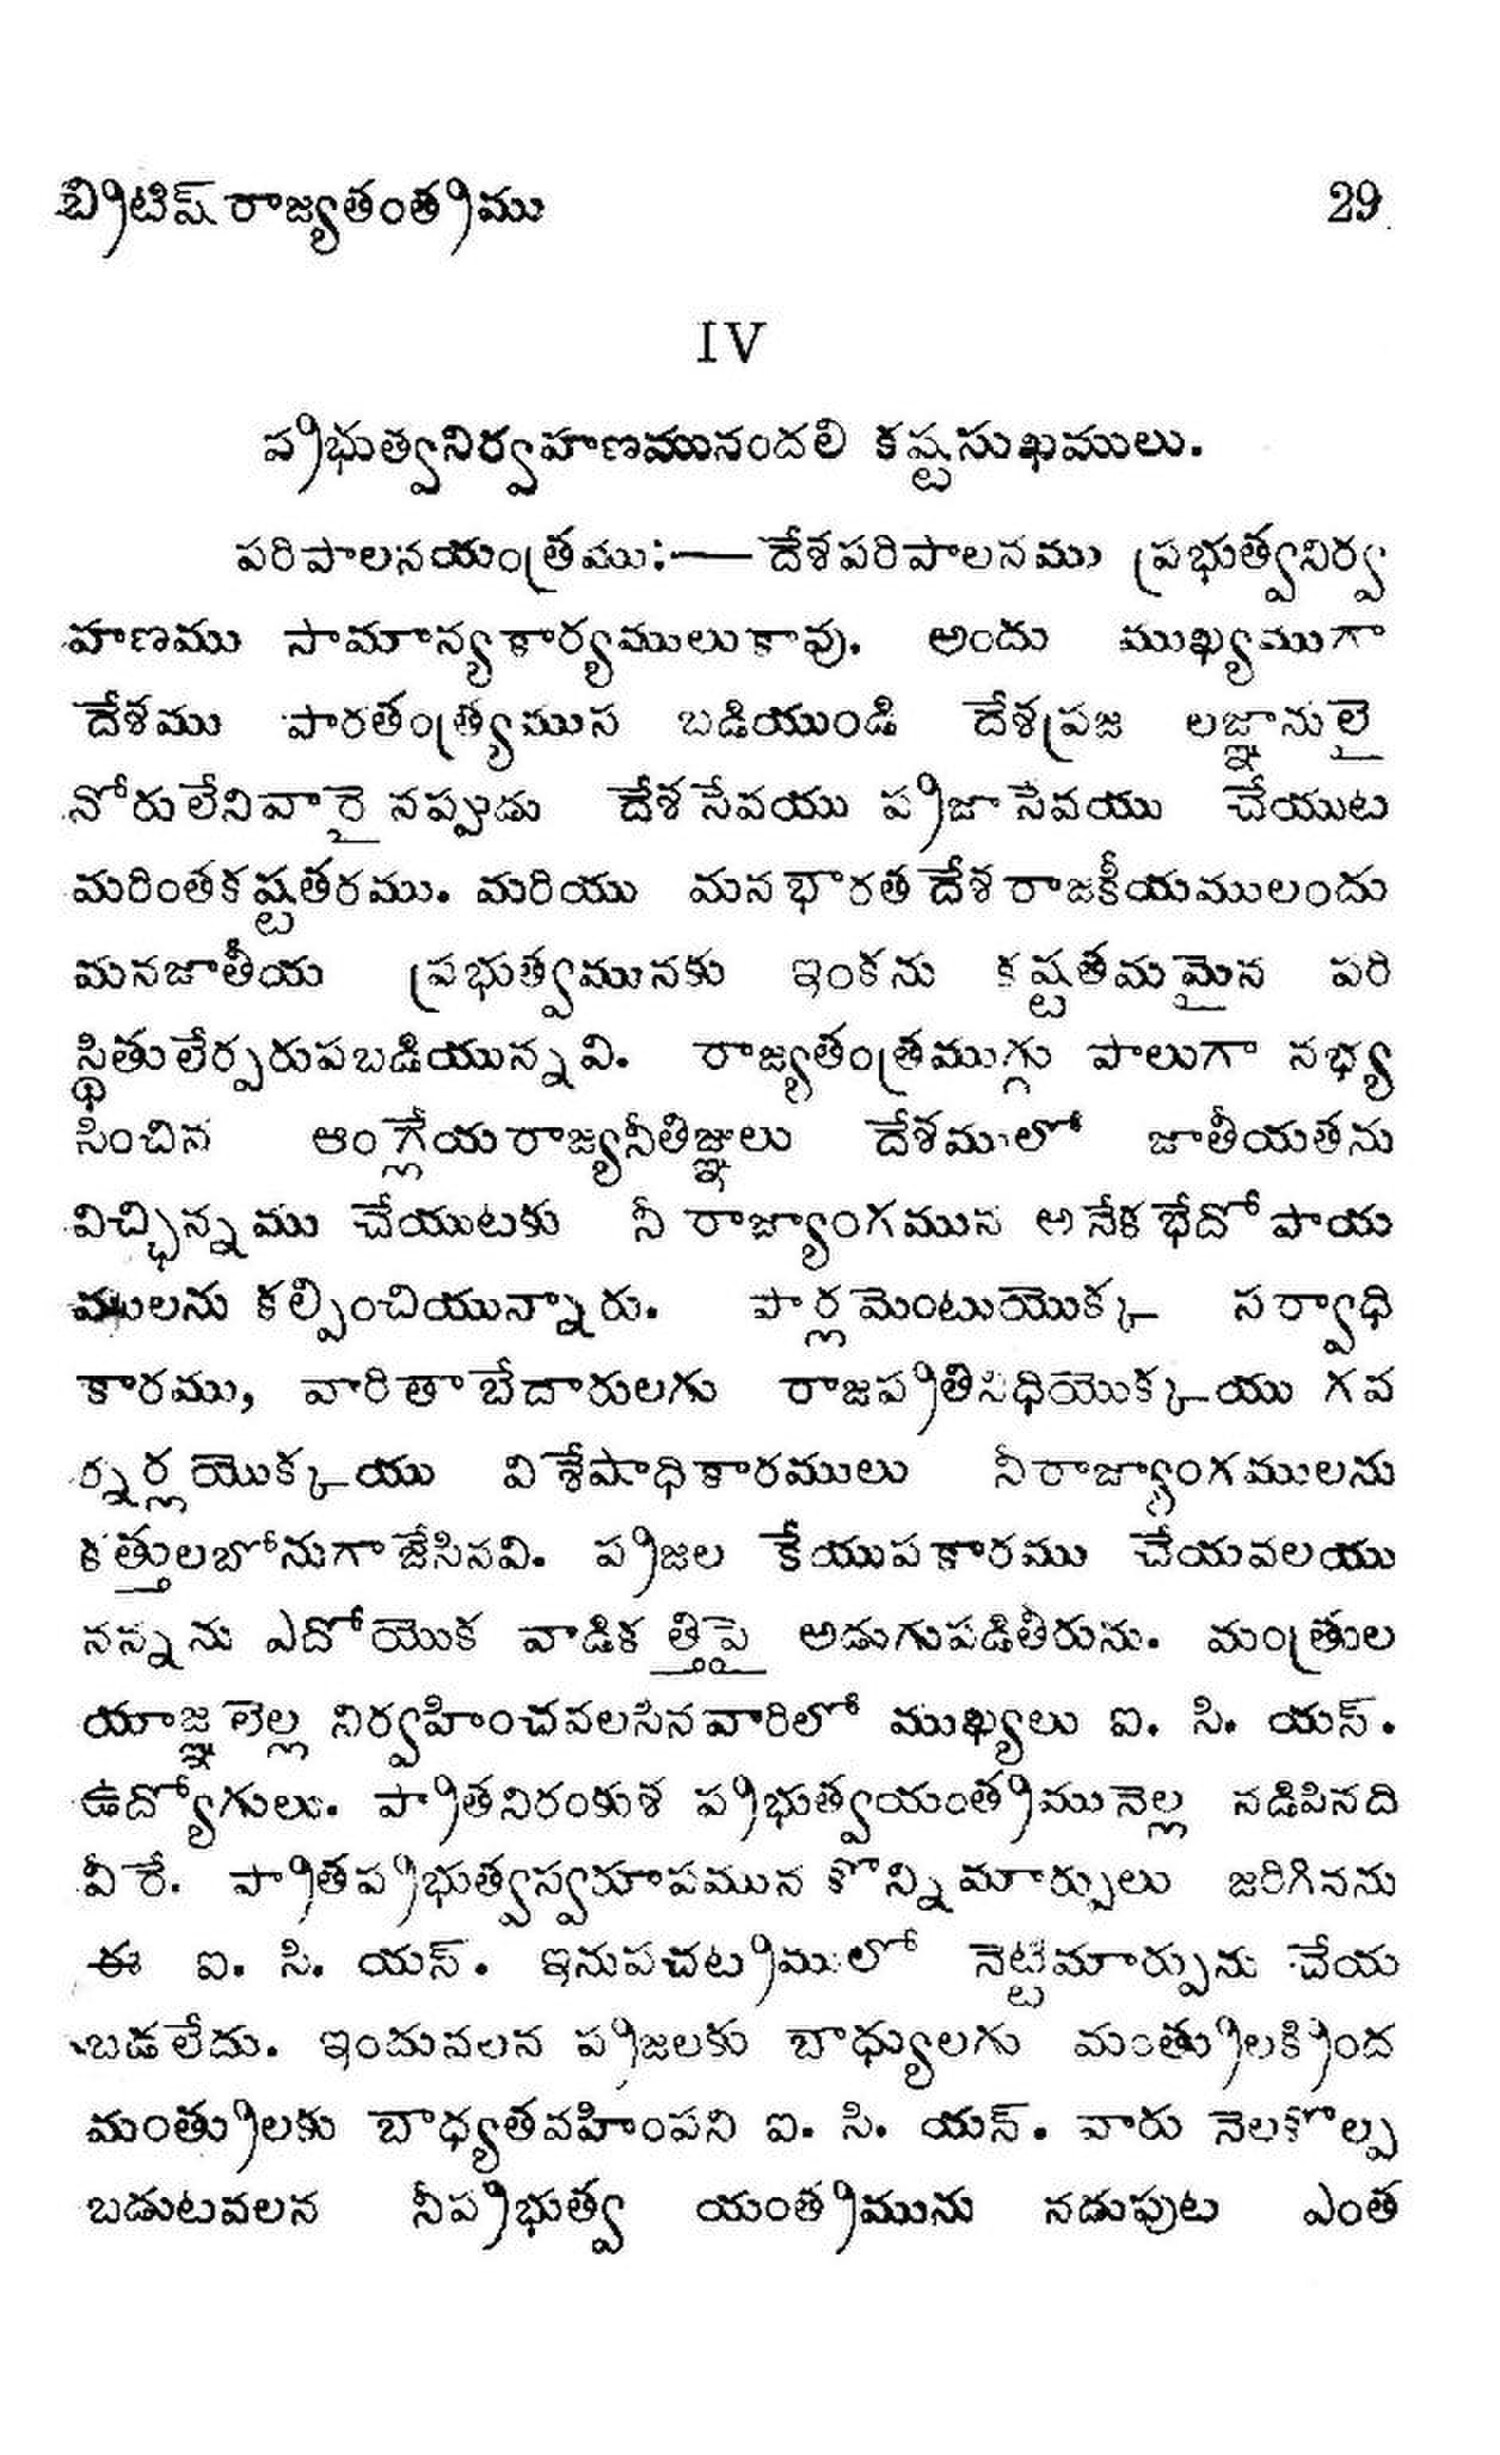IV 
ప్రభుత్వనిర్వహణమునందలి కష్టసుఖములు.

పరిపాలనయంత్రము:- దేశపరిపాలనము ప్రభుత్వనిర్వహణము సామాన్యకార్యములుకావు. అందు ముఖ్యముగా దేశము పారతంత్ర్యముస బడియుండి దేశప్రజ లజ్ఞానులై నోరులేనివారైనప్పుడు దేశసేవయు ప్రజాసేవయు చేయుట మరింతకష్టతరము. మరియు మనభారతదేశరాజకీయములందు మనజాతీయ ప్రభుత్వమునకు ఇంకను కష్టతమమైన పరిస్థితులేర్పరుపబడియున్నవి. రాజ్యతంత్రముగ్గు పాలుగా నభ్యసించిన ఆంగ్లేయరాజ్యనీతిజ్ఞులు దేశములో జాతీయతను విచ్చిన్నము చేయుటకు నీ రాజ్యాంగమున అనేకభేదోపాయములను కల్పించియున్నారు. పార్లమెంటు యొక్క సర్వాధికారము, వారితాబేదారులగు రాజప్రతినిధియొక్కయు గవర్నర్లయొక్కయు విశేషాధికారములు నీరాజ్యాంగములను కత్తులబోనుగాజేసినవి. ప్రజల కేయుపకారము చేయవలయునన్నను ఎదోయొక వాడికత్తిపై అడుగుపడితీరును. మంత్రుల యాజ్ఞలెల్ల నిర్వహించవలసినవారిలో ముఖ్యలు ఐ. సి. యస్ . ఉద్యోగులు. ప్రాతనిరంకుశ ప్రభుత్వయంత్రమునెల్ల నడిపినది వీరే. ప్రాతప్రభుత్వస్వరూపమున కొన్నిమార్పులు జరిగినను ఈ ఐ. సి. యస్. ఇనుపచట్రములో నెట్టిమార్పును చేయబడలేదు. ఇందువలన ప్రజలకు బాధ్యులగు మంత్రులక్రింద మంత్రులకు బాధ్యతవహింపని ఐ. సి. యస్. వారు నెలకొల్పబడుటవలన ప్రభుత్వ యంత్రమును నడుపుట ఎంత